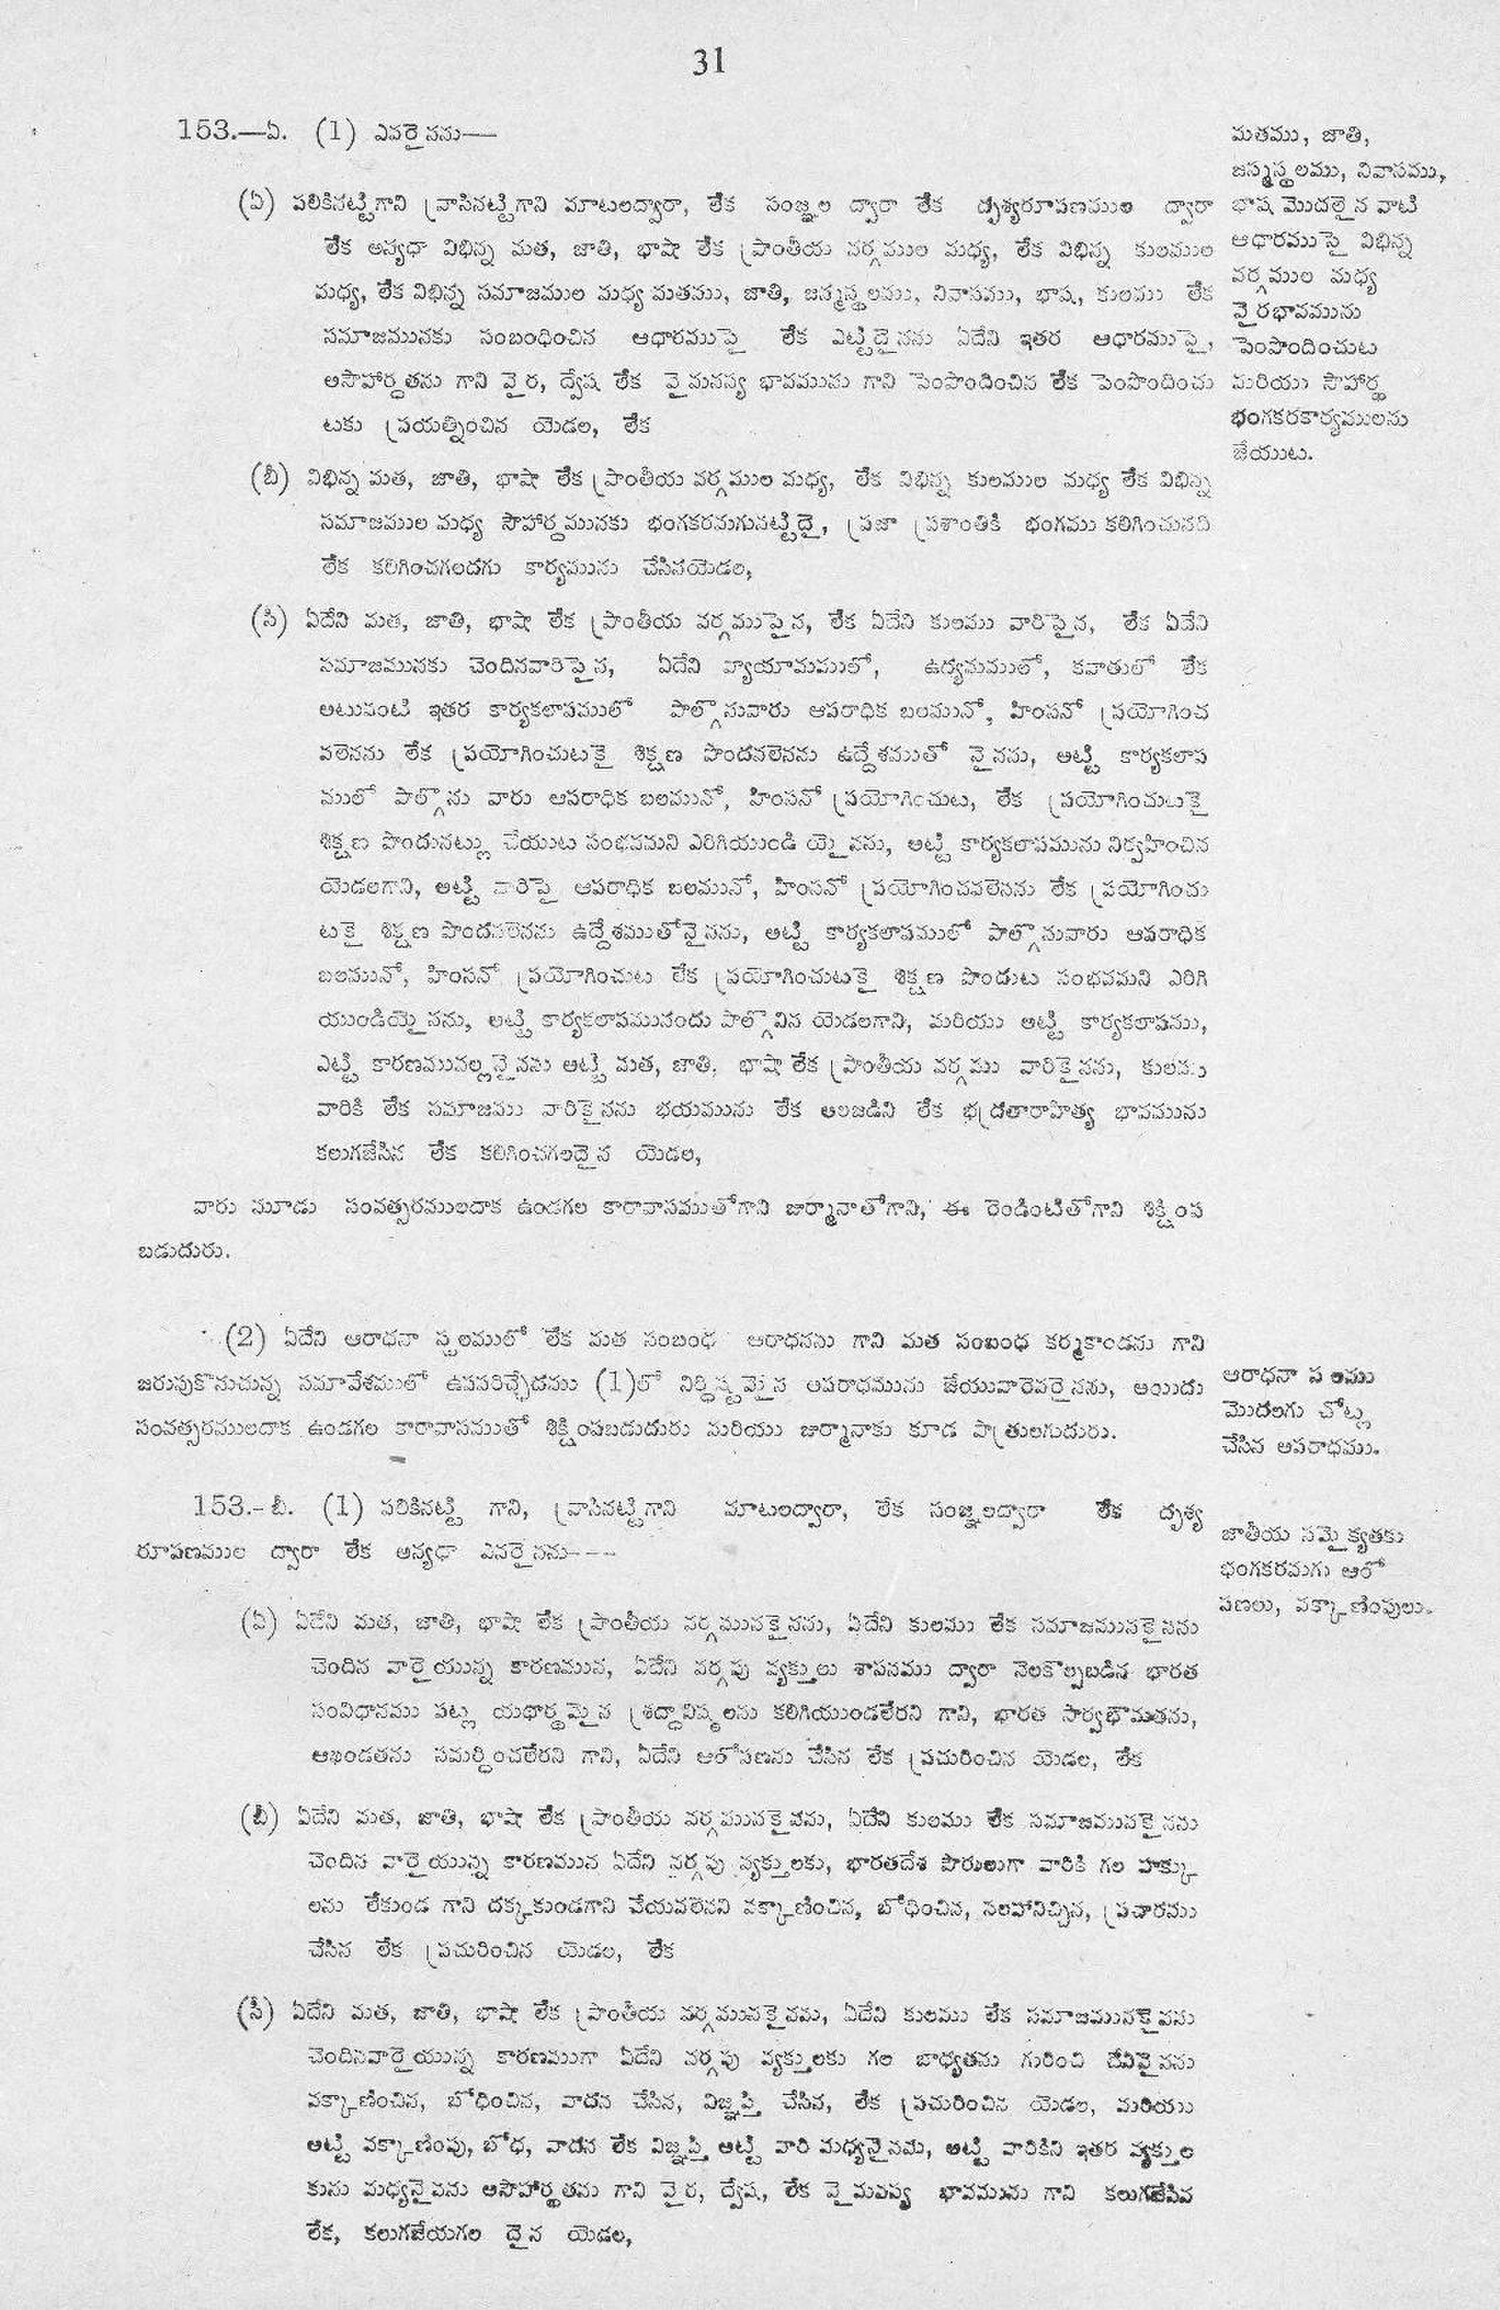మతము, జాతి, జన్మస్థలము, నివాసము,భాష మొదలైన వాటి ఆధారము పై విభిన్న వర్గముల మధ్య వైరభావమును
పెంపొందించుట మరియు సౌహార్థభంగకర కార్యములను జేయుట.

153.-ఏ. (1) ఎవరై నను——

(ఏ) పలికినట్టి గాని వ్రాసినట్టి గాని మాటల ద్వారా, లేక సంజ్క్షల ద్వారా లేక దృశ్యరూపణముల ద్వారా లేక అన్యధా విభిన్న మత, జాతి, భాషా లేక ప్రాంతీయ వర్గముల మధ్య, లేక విభిన్న కులముల మధ్య, లేక విభిన్న సమాజముల మధ్య మతము, జాతి, జన్మస్థలను, నివాసము, భాష, కులము లేక సమాజమునకు సంబంధించిన ఆధారముపై లేక ఎట్టిదైనను ఏదేని ఇతర ఆధారముపై , అసౌహార్థతను గాని వైర, ద్వేష లేక వైమనస్య భావమును గాని పెంపొందించిన లేక పెంపొందించుటకు ప్రయత్నించిన యెడల, లేక

(బీ) విభిన్న మత, జాతి, భాషా లేక ప్రాంతీయ వర్గముల మధ్య, లేక విభిన్న కులముల మధ్య లేక విభిన్న సమాజముల మధ్య సౌహార్దమునకు భంగకరమగునట్టిదై, ప్రజా ప్రశాంతికి భంగము కలిగించునది లేక కలిగించగలదగు కార్యమును చేసినయెడల,

(సి) ఏదేని మత, జాతి, భాషా లేక ప్రాంతీయ వర్గముపైన, లేక ఏదేని కులము వారి పైన, లేక ఏదేని సమాజమునకు చెందినవారిపైన, ఏదేని వ్యాయామములో, ఉద్యమములో, కవాతులో లేక అటువంటి ఇతర కార్యకలాపములో పాల్గొనువారు అపరాధిక బలమునో, హింసనో ప్రయోగించవలెనను లేక ప్రయోగించుటకై శిక్షణ పొందవలెనను ఉద్దేశముతో నైనను, అట్టి కార్యకలాపములో పాల్గొను వారు అపరాధిక బలమునో, హింసనో ప్రయోగించుట, లేక ప్రయోగించుటకై శిక్షణ పొందునట్లు చేయుట సంభవమని ఎరిగియుండి యైనను, అట్టి కార్యకలాపమును నిర్వహించిన యెడలగాని, అట్టి వారిపై ఆపరాధిక బలమునో, హింసనో ప్రయోగించవలెనను లేక ప్రయోగించుటకై శిక్షణ పొందవలెనను ఉద్దేశముతోనైనను, అట్టి కార్యకలాపములో పాల్గొనువారు ఆపరాధిక బలమునో, హింసనో ప్రయోగించుట లేక ప్రయోగించుటకై శిక్షణ పొందుట సంభవమని ఎరిగి యుండియైనను, అట్టి కార్యకలాపమునందు పాల్గొనిన యెడలగాని, మరియు అట్టి కార్యకలాపము,
ఎట్టి కారణమువల్లనైనను అట్టి మత, జాతి, భాషా లేక ప్రాంతీయ వర్గము వారికైనను, కులము వారికి లేక సమాజము వారికైనను భయమును లేక అలజడిని లేక భద్రతారాహిత్య భావమును కలుగజేసిన లేక కలిగించగలదైన యెడల,

వారు మూడు సంవత్సరములదాక ఉండగల కారావాసముతోగాని జుర్మానాతోగాని, ఈ రెండింటితోగాని శిక్షింపబడుదురు.

ఆరాధనా స్థలము మొదలగు చోట్ల చేసిన అపరాధము.

(2) ఏదేని ఆరాధనా స్థలములో లేక మత సంబంధ ఆరాధనను గాని మత సంబంధ కర్మకాండను గాని జరుపుకొనుచున్న సమావేశములో ఉపపరిచ్ఛేదము (1)లో, నిర్దిష్టమైన ఆపరాధమును జేయువారెవరైనను, అయిదు సంవత్సరములదాక ఉండగల కారావాసముతో శిక్షింపబడుదురు మరియు జూర్మానాకు కూడ పాత్రులగుదురు.

జాతీయ సమైక్యతకు భంగకరమగు ఆరోచణలు, వక్కాణింపులు,

153.- బీ. (1) పలికినట్టి గాని, వ్రాసినట్టి గాని మాటలద్వారా, లేక సంజ్ఞలద్వారా దృశ్యరూపణముల ద్వారా లేక అన్యధా ఎవరైనను.——

(ఏ) ఏదేని మత, జాతి, భాషా లేక ప్రాంతీయ వర్గమునకైనను, ఏదేని కులము, లేక సమాజమునకైనను చెందిన వారైయున్న కారణమున, ఏదేని వర్గపు వ్యక్తులు శాసనము ద్వారా నెలకొల్పబడిన భారత సంవిధానము పట్ల యథార్థమైన శ్రద్ధా నిష్టలను కలిగియుండలేరని గాని, భారత సార్వభౌమతను, అఖండతను సమర్థించలేరని గాని, ఏదేని ఆరోపణలు చేసిన లేక ప్రచురించిన యెడల, లేక

(బి) ఏదేని మత, జాతి, భాషా లేక ప్రాంతీయ వర్గమునకైనను, ఏదేని కులము లేక సమాజమునకైనను చెందిన వారైయున్న కారణమున ఏదేని వర్గపు వ్యక్తులకు, భారతదేశ పౌరులుగా వారికి గల హక్కులను లేకుండ గాని దక్కకుండగాని చేయవలెనని వక్కాణించిన, బోధించిన, సలహానిచ్చిన, ప్రచారము చేసిన లేక ప్రచురించిన యెడల, లేక

(సి) ఏదేని మత, జాతి, భాషా లేక ప్రాంతీయ వర్గమునకైనను, ఏదేని కులము లేక సమాజమునకైనను చెందినవారై యున్న కారణముగా ఏదేని వర్గపు వ్యక్తులకు గల బాధ్యతను గురించి దేనినైనను వక్కాణించిన, బోధించిన, వాదన చేసిన, విజ్ఞప్తి చేసిన, లేక ప్రచురించిన యెడల, మరియు అట్టి వక్కాణింపు, బోధ, వాదన లేక విజ్ఞప్తి అట్టి వారి మధ్యనైనను, అట్టి వారికిని ఇతర వ్యక్తులకును మధ్యనైనను అసౌహార్థ తను గాని వైర, ద్వేష, లేక వైమనస్య భావమును గాని కలుగజేసిన లేక, కలుగజేయగల దైన యెడల,